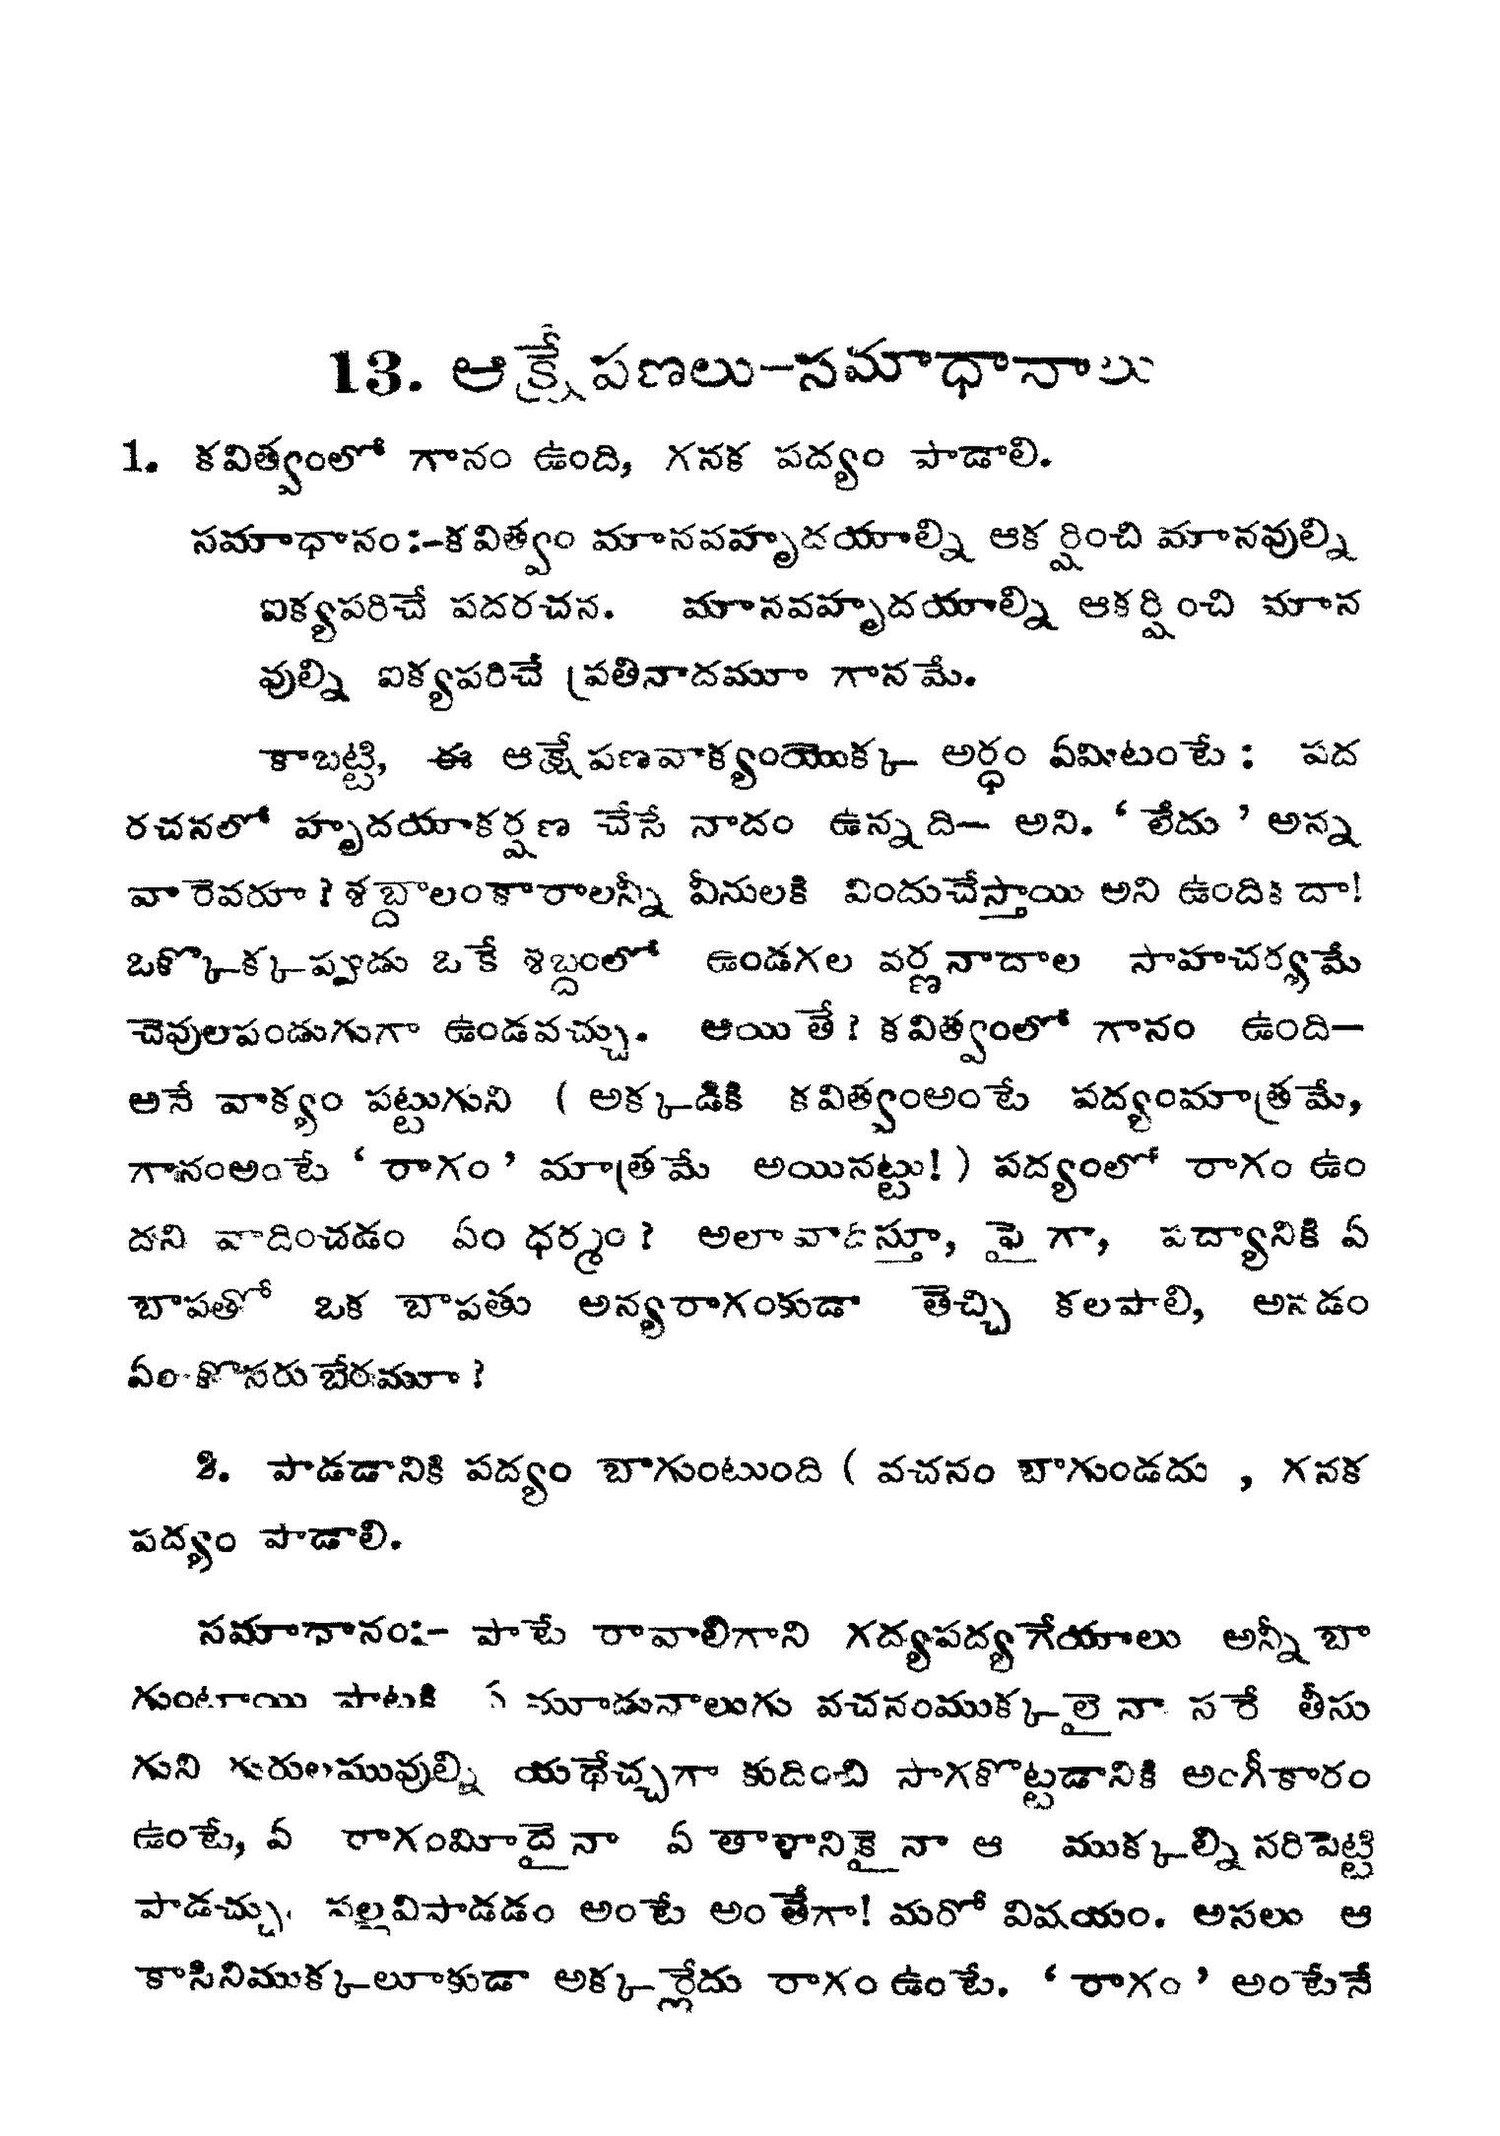13. ఆక్షేపణలు-సమాధానాలు

1. కవిత్వంలో గానం ఉంది, గనక పద్యం పాడాలి.

సమాధానం:- కవిత్వం మానవహృదయాల్ని ఆకర్షించి మానవుల్ని
ఐక్యపరిచే పదరచన. మానవహృదయాల్ని ఆకర్షించి మాన
వుల్ని ఐక్యపరిచే ప్రతినాదమూ గానమే.

కాబట్టి, ఈ ఆక్షేపణవాక్యంయొక్క అర్ధం ఏమిటంటే: పద
రచనలో హృదయాకర్షణ చేసే నాదం ఉన్నది అని. 'లేదు' అన్న
వారెవరూ ? శబ్దాలంకారాలన్నీ వీనులకి విందుచేస్తాయి అని ఉందికదా!
ఒక్కొక్కప్పుడు ఒకే శబ్దంలో ఉండగల వర్ణనాదాల సాహచర్యమే
చెవులపండుగుగా ఉండవచ్చు. ఆయితే? కవిత్వంలో గానం ఉంది—
అనే వాక్యం పట్టుగుని ( అక్కడికి కవిత్వంఅంటే పద్యంమాత్రమే,
గానంఅంటే ' రాగం' మాత్రమే అయినట్టు!) పద్యంలో రాగం ఉం
దని వాదించడం ఏం ధర్మం ? అలావాదిస్తూ, పైగా, పద్యానికి ఏ
బాషతో ఒక బాపతు అన్యరాగంకుడా తెచ్చి కలపాలి, అనడం
ఏం కొసరు బేరమూ ?

2. పాడడానికి పద్యం బాగుంటుంది ( వచనం బాగుండదు గనక
పద్యం పాడాలి.

సమాధానం:- పాటే రావాలిగాని గద్యపద్యగేయాలు అన్నీ బా
గుంటాయి పాటకి ఏ మూడునాలుగు వచనంముక్కలైనా సరే తీసు
గుని గురులఘువుల్ని యథేచ్చగా కుదించి సాగకొట్టడానికి అంగీకారం
ఉంటే, ఏ రాగంమీదైనా ఏ తాళానికైనా ఆ ముక్కల్ని సరిపెట్టి
పాడచ్చు. పల్లవిపాడడం అంటే అంతేగా! మరో విషయం. అసలు ఆ
కాసినిముక్కలూకుడా అక్క ర్లేదు రాగం ఉంటే. 'రాగం' అంటేనే